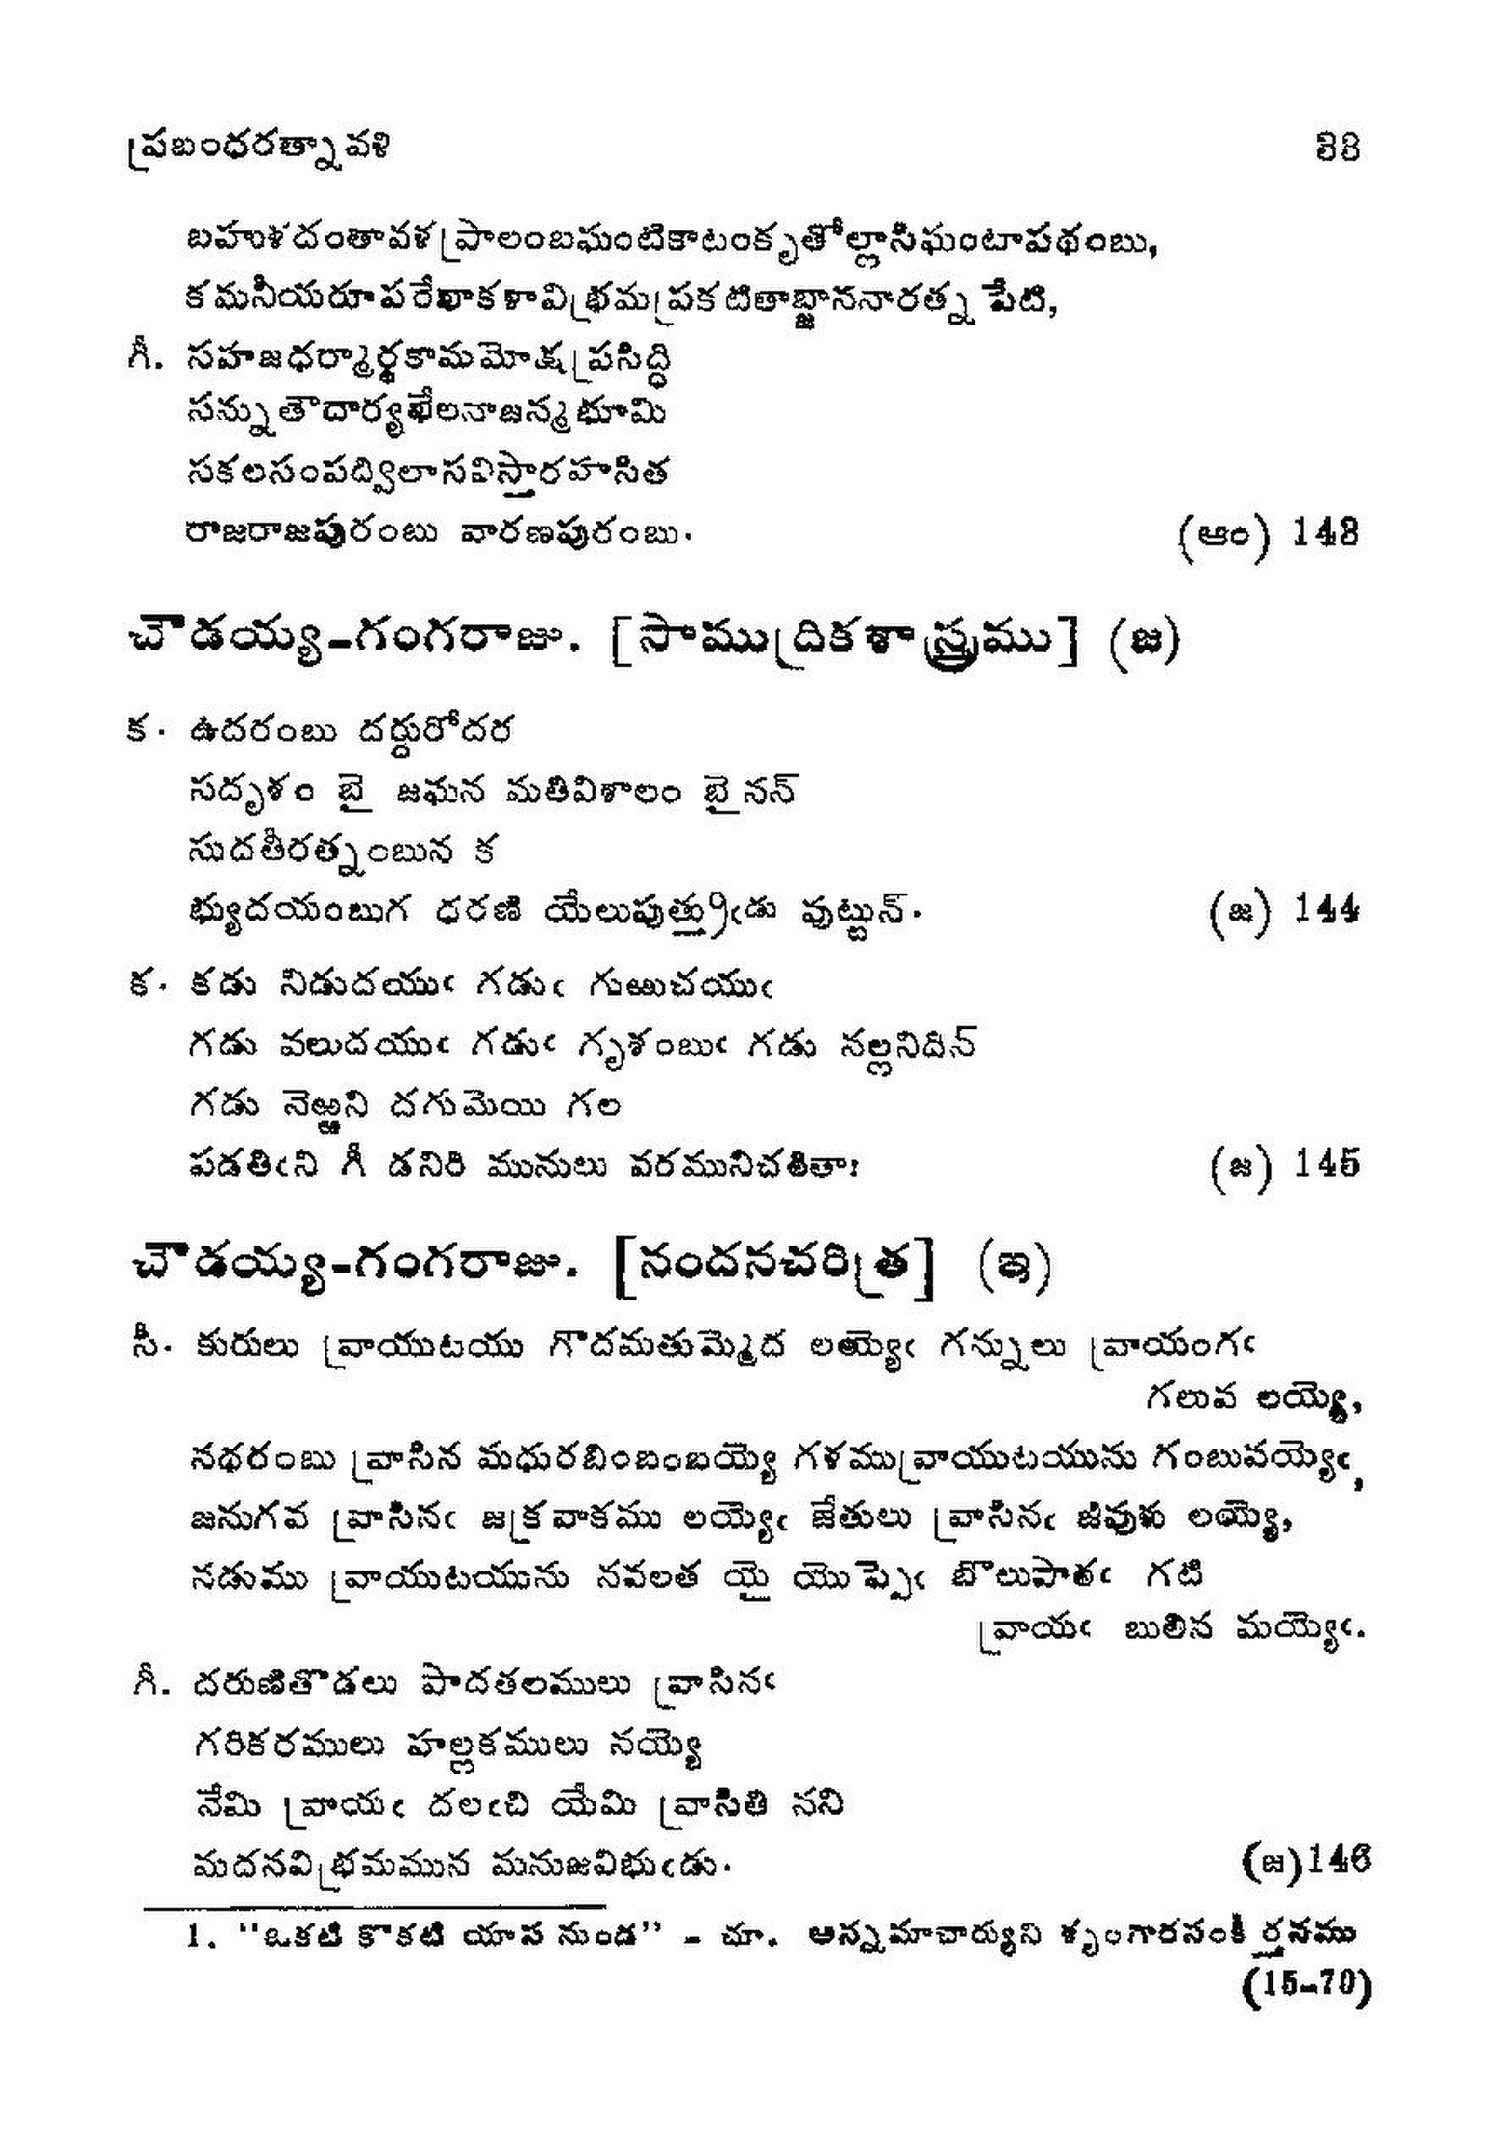బహుళదంతావళప్రాలంబఘంటికా టంకృతోల్లాసి ఘంటాపదంబు
కమనీయరూపరేఖాకళావిభ్రమ ప్రకటితాబ్జాననా రత్నపేటి
గీ. సహజ ధర్మార్థకామమోక్షప్రసిద్ధి
సన్నుతౌదార్యఖేలనాజన్మభూమి
సకలసంపద్విలాసవిస్తారహసిత
రాజరాజపురంబు వారణపురంబు. (ఆం) 143

చౌడయ్య, గంగరాజు [సాముద్రికశాస్త్రము] (జ)
క. ఉదరంబు దర్దురోదర
సదృశంబై జఘన మతివిశాలం బయినన్
సుదతీరత్నంబున క
భ్యుదయంబుగ ధరణి యేలు పుత్రుఁడు పుట్టున్. (జ) 144

క. కడు నిడుదయుఁ గడు గుఱుచయుఁ
గడు వలుదయుఁ గడుఁ గృశంబుఁ గడు నల్లనిదిన్
గడు నెఱ్ఱనిదగు మెయి గల
పడఁతిని గీడనిరి మునులు వరమునిచరితా. (జ) 145

చౌడయ్య, గంగరాజు [నందనచరిత్ర] (ఇ)
సీ. కురులు వ్రాయుటయును గొదమ తుమ్మెదలయ్యెఁ గన్నులు వ్రాయంగఁ గలువలయ్యె
నధరంబు వ్రాసిన మధురబింబంబయ్యె గళము వ్రాయుటయును గంబువయ్యెఁ
జనుఁగవ వ్రాసినఁ జక్రవాకములయ్యెఁ జేతులు వ్రాసినఁ జిగురు లయ్యె
నడుము వ్రాయుటయును నవలతయై యొప్పెఁ బొలుపారఁ గటి వ్రాయఁ బులినమయ్యెఁ
గీ. దరుణి తొడలు పాదతలములు వ్రాసినఁ
గరికరములు హల్లకములు నయ్యె
నేమి వ్రాయఁదలఁచి యేమి వ్రాసితినని
మదనవిభ్రమమున మనుజవిభుఁడు. (జ) 146